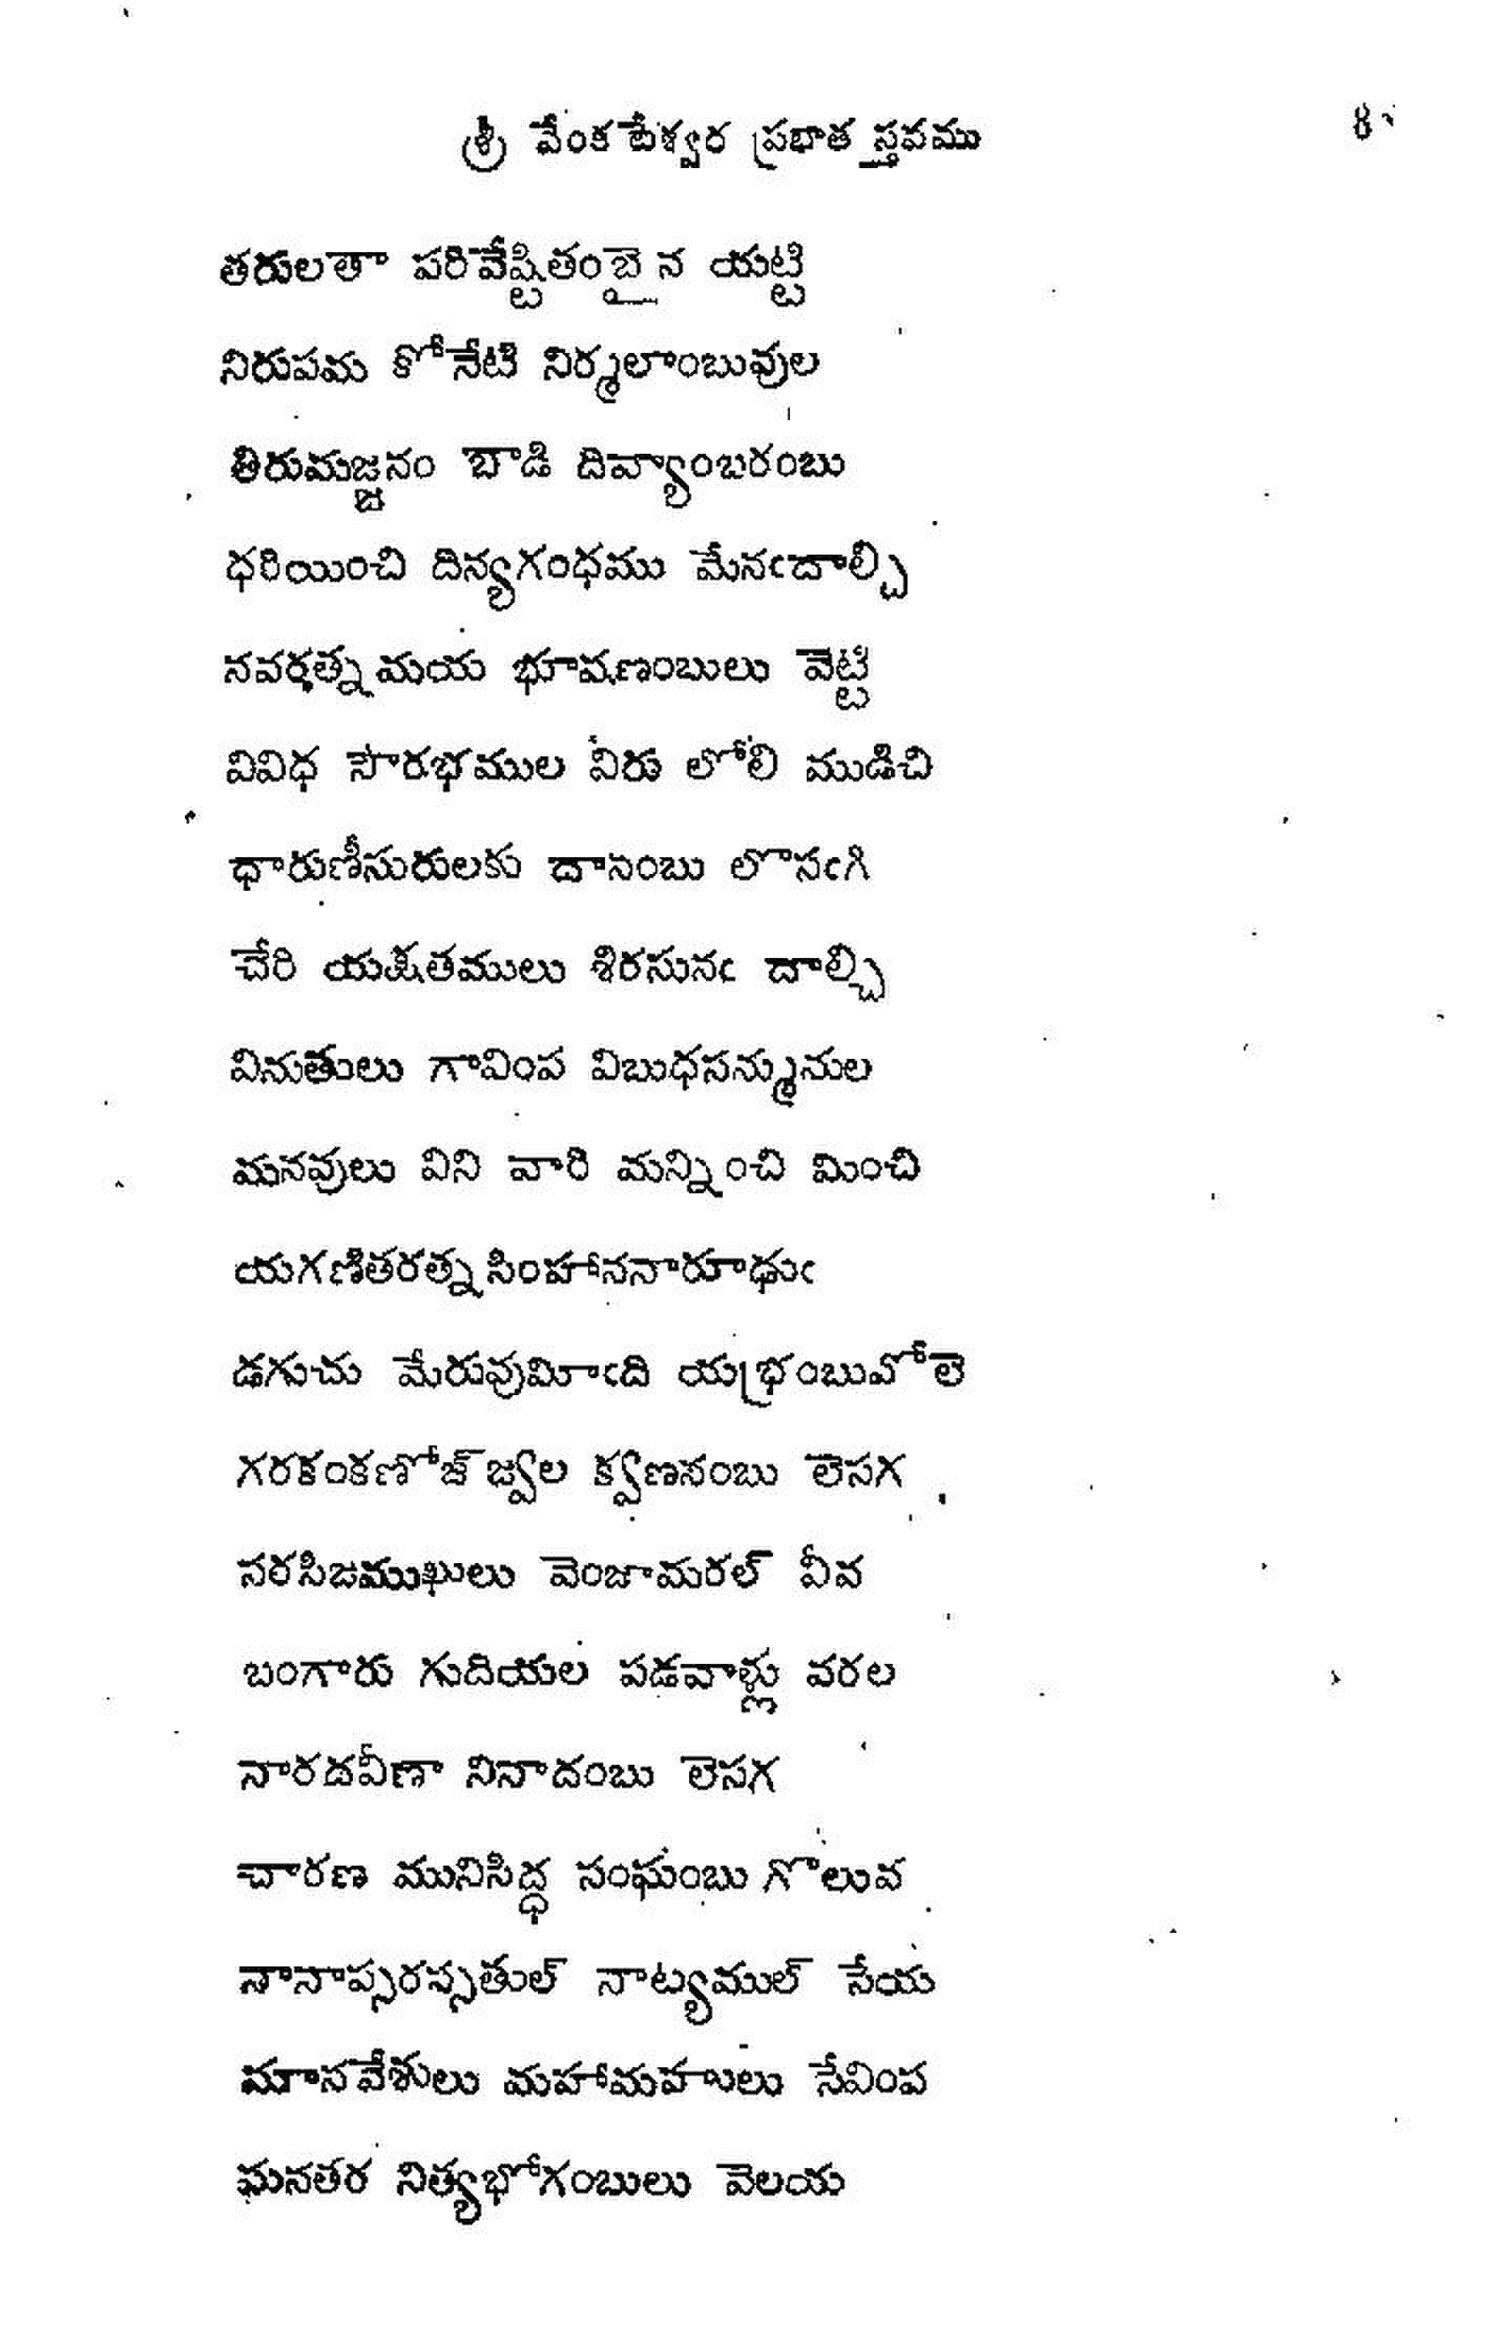తరులతా పరివేష్టితంబైన యట్టి 
నిరుపమ కోనేటి నిర్మలాంబువుల 

తిరుమజ్జనం బాడి దివ్యాంబరంబు 
ధరియించి దిన్యగంధము మేనఁదాల్చి 

నవరత్నమయ భూషణంబులు వెట్టి 
వివిధ సౌరభముల విరు లోలి ముడిచి 

ధారుణీసురులకు దానంబు లొసంగి 
చేరి యక్షతములు శిరసునఁ దాల్చి 

వినుతులు గావింప విబుధసన్మునుల 
మనవులు విని వారి మన్నించి మించి

యగణీతరత్నసింహాసనారూడు 
డగుచు మేరువుమీఁది యభ్రంబువోలె 

గరకంకణోజ్ జ్వల క్వణనంబు లెసగ 
సరసిజముఖులు వెంజామరల్ వీవ

బంగారు గుదియల పడవాళ్లు వరల 
నారదవీణా నినాదంబు లెసగ 

చారణ మునిసిద్ధ సంఘంబు గొలువ 
నానాప్సరసృతుల్ నాట్యముల్ సేయ 

నూనవేశులు మహామహులు సేవింప 
ఘనతర నిత్య భోగంబులు వెలయ